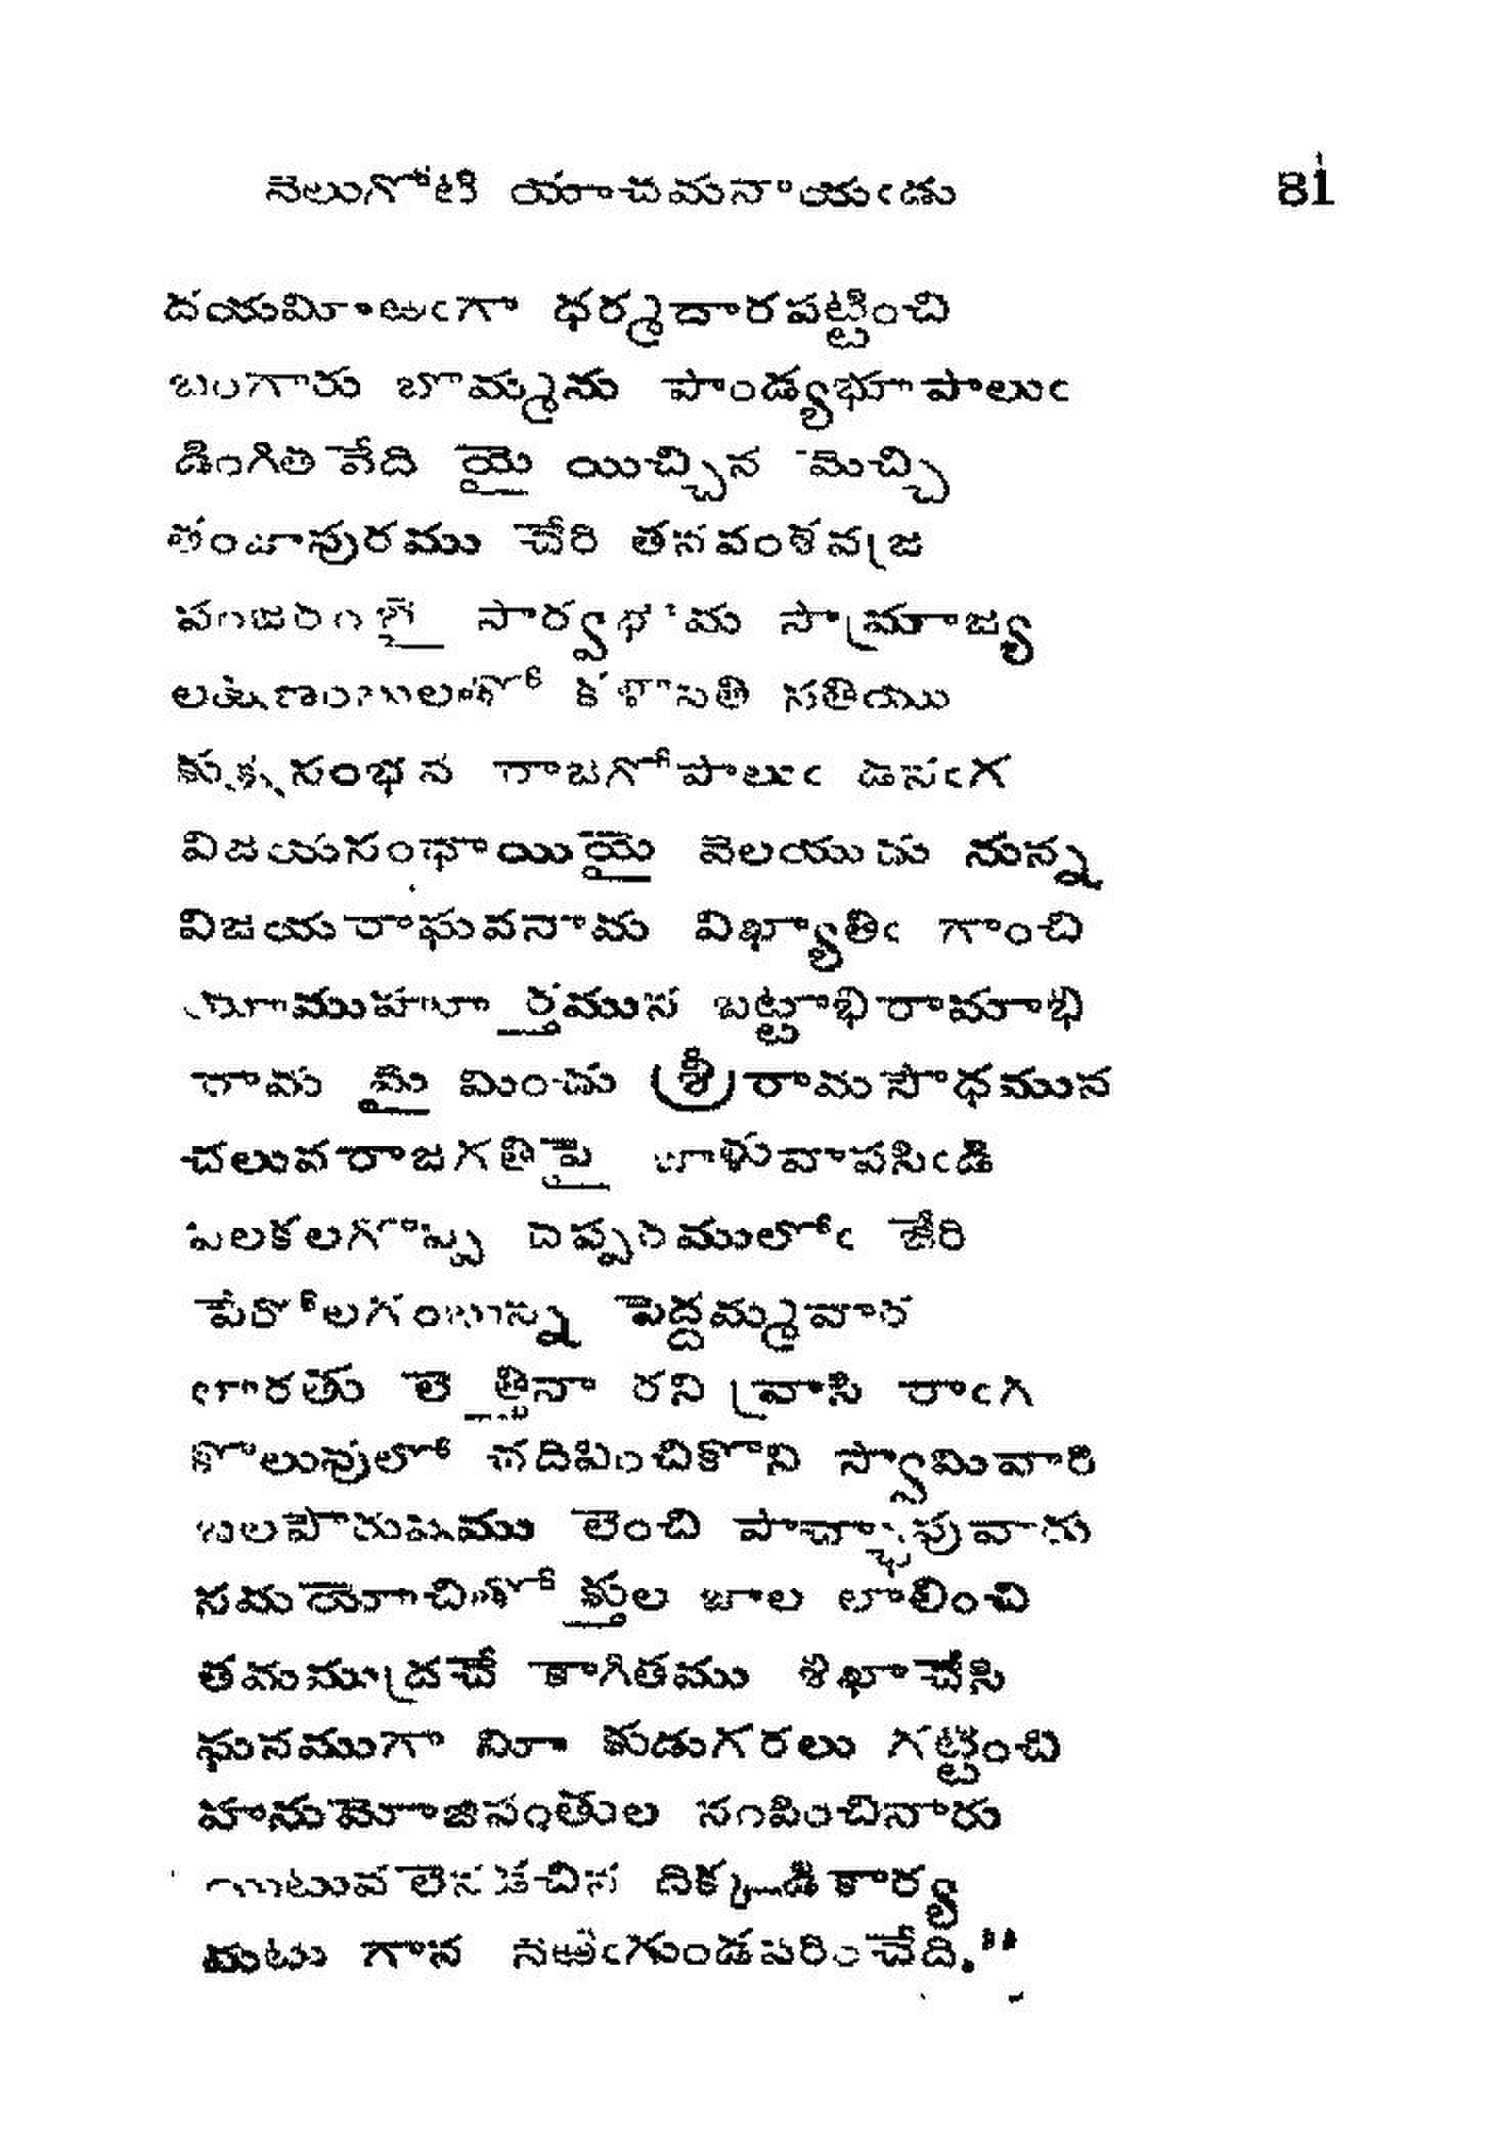దయమీఱఁగా ధర్మదారపట్టించి
 బంగారు బొమ్మను పాండ్యభూపాలుఁ
 డింగితవేది యై యిచ్చిన మెచ్చి
 తంజాపురము చేరి తనవంశవజ్ర
 పంజరంబై సార్వభౌమ సామ్రాజ్య
 లక్షణంబులతో కళావతి సతియు
 కుక్షసంభవ రాజగోపాలుఁ డనఁగ
 విజయసంధాయియై వెలయుడు నున్న
 విజయరాఘవనామ విఖ్యాతిఁ గాంచి
 యాముహూర్తమున బట్టాభిరామాభి
 రామ మై మించు శ్రీరామసౌధమున
 చలువరాజగతిపై జాళువాపసిఁడి
 పలకలగొప్ప దప్పరములోఁ జేరి
 పేరోలగంబున్న పెద్దమ్మవార
 లారతు లెత్తినా రని వ్రాసి రాఁగ
 కొలువులో చదివించికొని స్వామివారి
 బలపౌరుషము లెంచి పాచ్ఛాపువారు
 సమయోచితోక్తుల జాల లాలించి
 తమముద్రచే కాగితము శిఖాచేసి
 ఘనముగా మీ కుడుగరలు గట్టించి
 హనుమోజిపంతుల నంపించినారు
 యిటువలెనడచిన దిక్కడికార్య
 మటు గాన నెఱిఁగుండవరించేది."